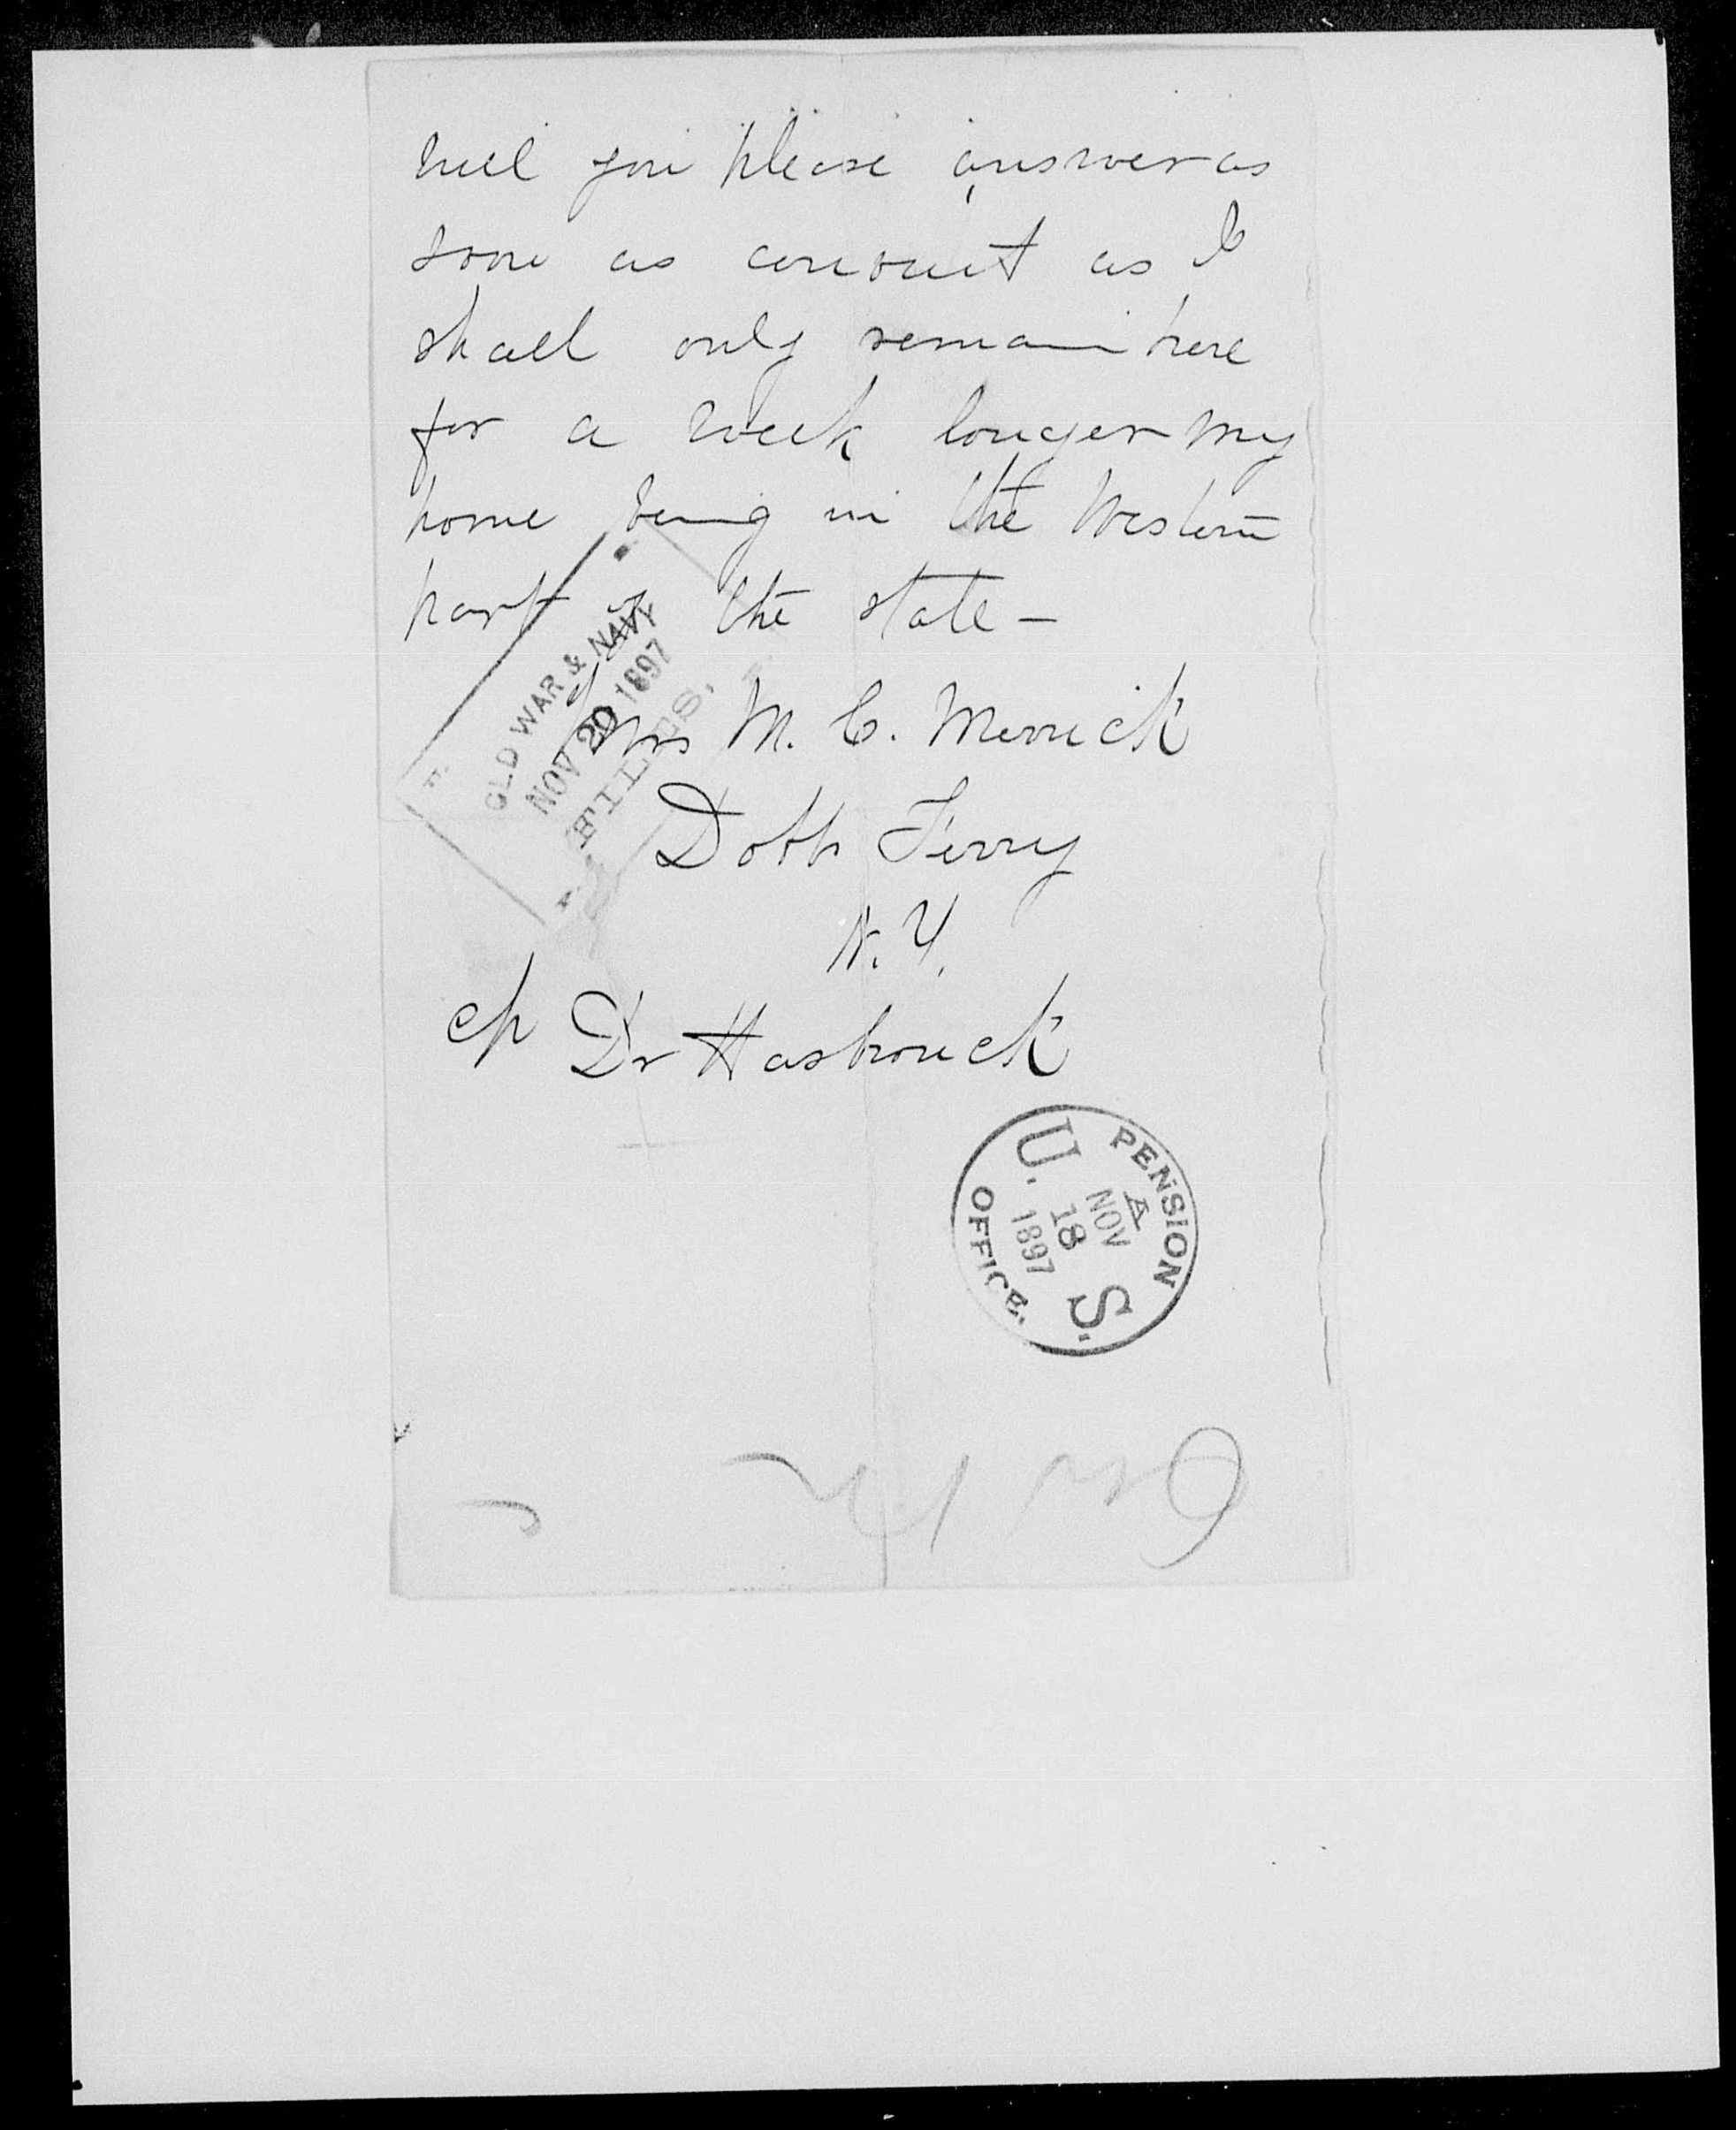will you please answer as soon as convenient as I shall only remain here for a week longer my home being in the Western part of the state -

[Stamp]
Old War & Navy                    Mrs. M.L. Merrick
Nov 20 1897                            Dobb Ferry
     Files                                              N.Y.

c/o Dr. Hasbrouck
  
                                  [Stamp]
                                   Pension Office
                                   Nov 18 1897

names: Hasbrouck, M C Merrick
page: 30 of 40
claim: survivor's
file: S. 36,537 And R. 4034, John Gillet, Conn.